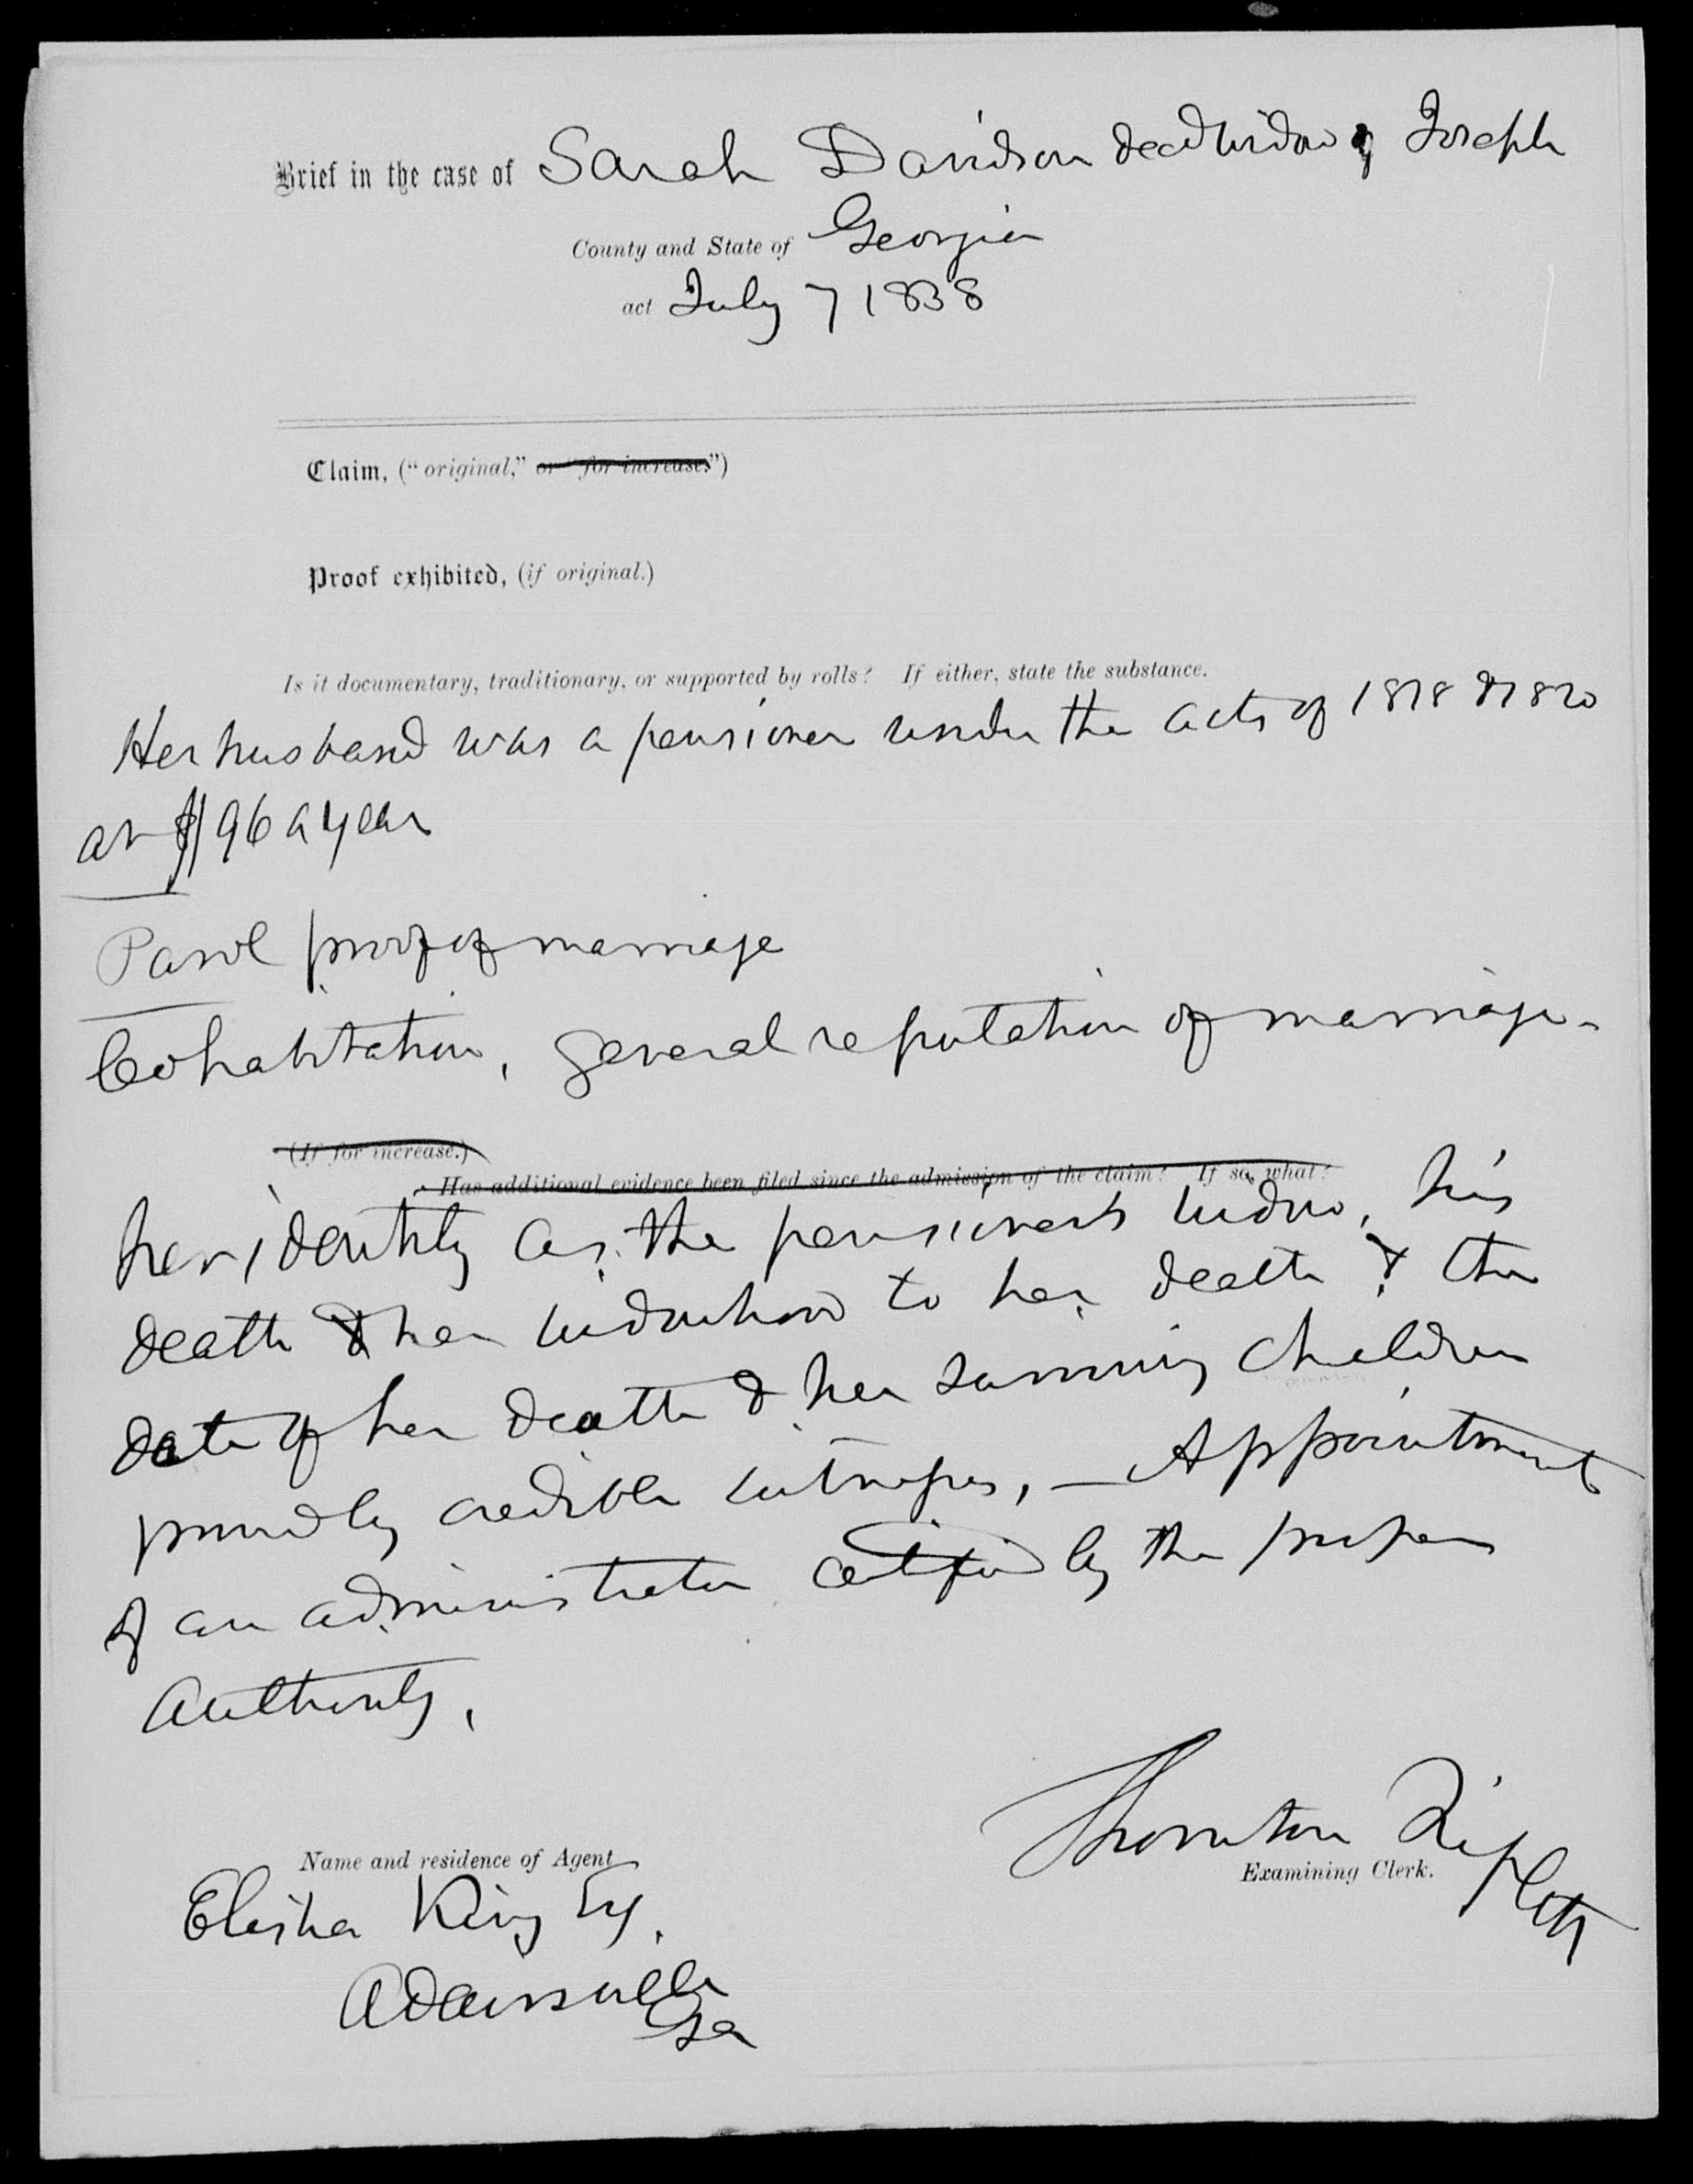Brief in the case of Sarah Davidson deceased widow of Joseph
County and State of Georgia
act July 7 1838
Claim, (" original, [crossed out]or for increase)
Proof exhibited, (if original.)
Is it documentary, traditionary, or supported by rolls? If either, state the substance.
Her husband was a pensioner under the act of 1818 & 1820
at $96 a year
Passed proof of marriage
cohabitaton, several reputation of marriage. 
[crossed out] (If for increase.) Has additional evidence been filed since the admission of the claim? If so, what?

Her identity as the pensioners widow, his death and her widowhood to her death and the date of her death and her surviving children possibly  credible witnesses. _ Appointment
of an administrator certified by the proper Authorty,
Name and residence of Agent
Elisha King Esquire
Adairsville, Georgia

Thornton [illegible]
Examining Clerk.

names: Sarah Davidson, Elisha King, Thornton Triplett, Joseph Davidson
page: 48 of 63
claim: widow's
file: W. 4175, Joseph Davidson, N.C.